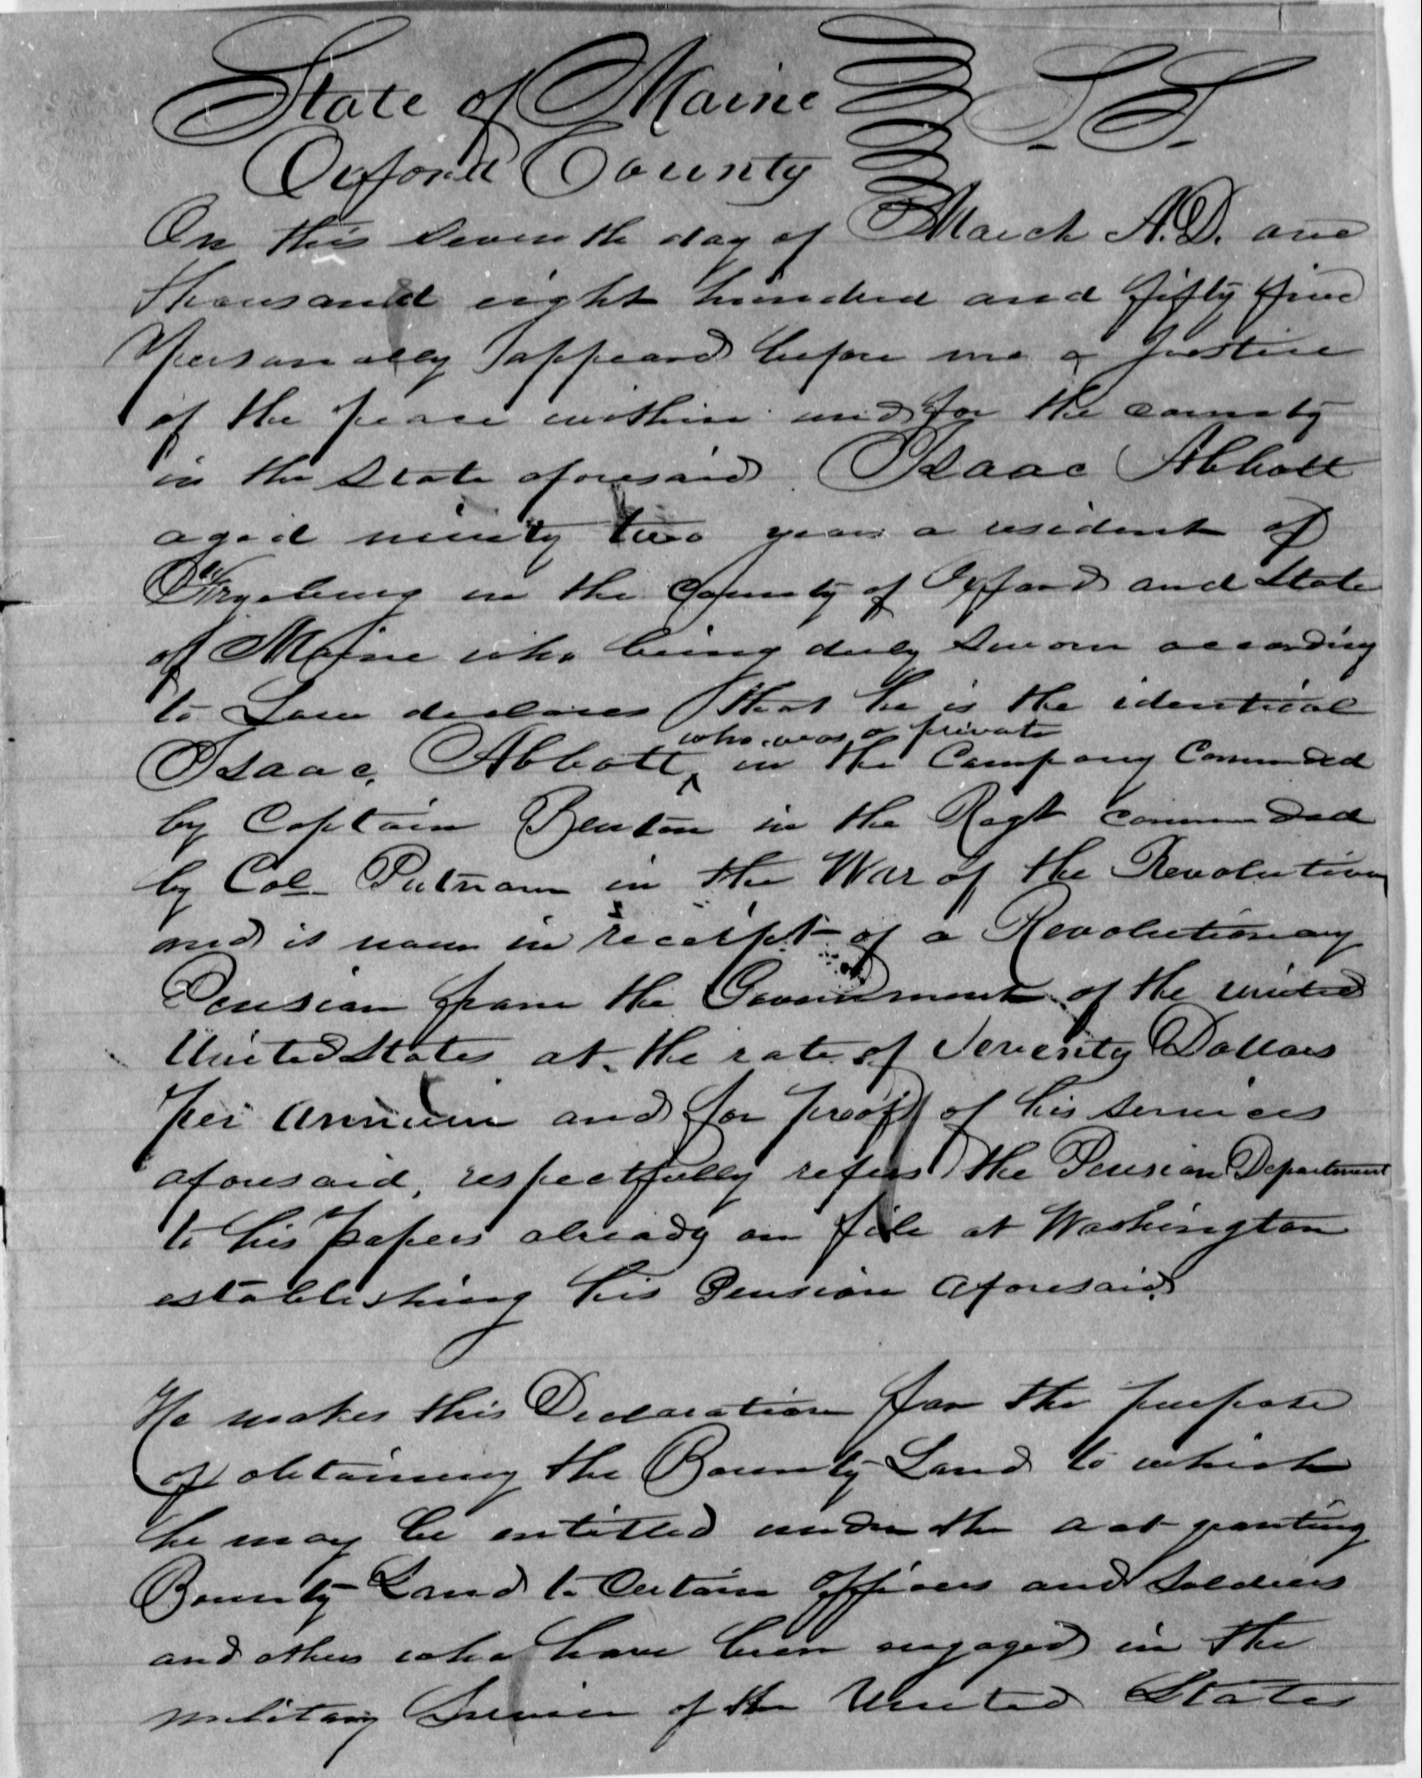State of Maine} SS,
Oxford County}

On this seventh day of March A.D. one thousand eight hundred and fifty-five.
Personally appeared before me a Justice of the Peace, within and for the county, in the state aforesaid. Isaac Abbott, aged ninety-two years a widower of Maine who being duly sworn according to Law, declared that he is the identical Isaac Abbott, who was a private in the Company commanded by Captain Benton in the Regt commanded by Col. Putnam in the War of the Revolution and is now in receipt of a Revolution Pension from the Government of the united United States, at the rate of Seventy Dollars per annum and for proof of his services aforesaid, respectfully refers the Pensions Department to his papers already on file at Washington establishing his pension aforesaid.
He makes this Declaration for the purposes of obtaining the Bounty Land to which he may be entitled under the Act granting Bounty land to Certain officers and soldiers and others [illegible] have been engaged in the military Service of the United States
...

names: Isaac Abbott, Benton, Isaac Abbott, Putnam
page: 15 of 86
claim: survivor's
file: S 29,568, Isaac Abbot, Mass